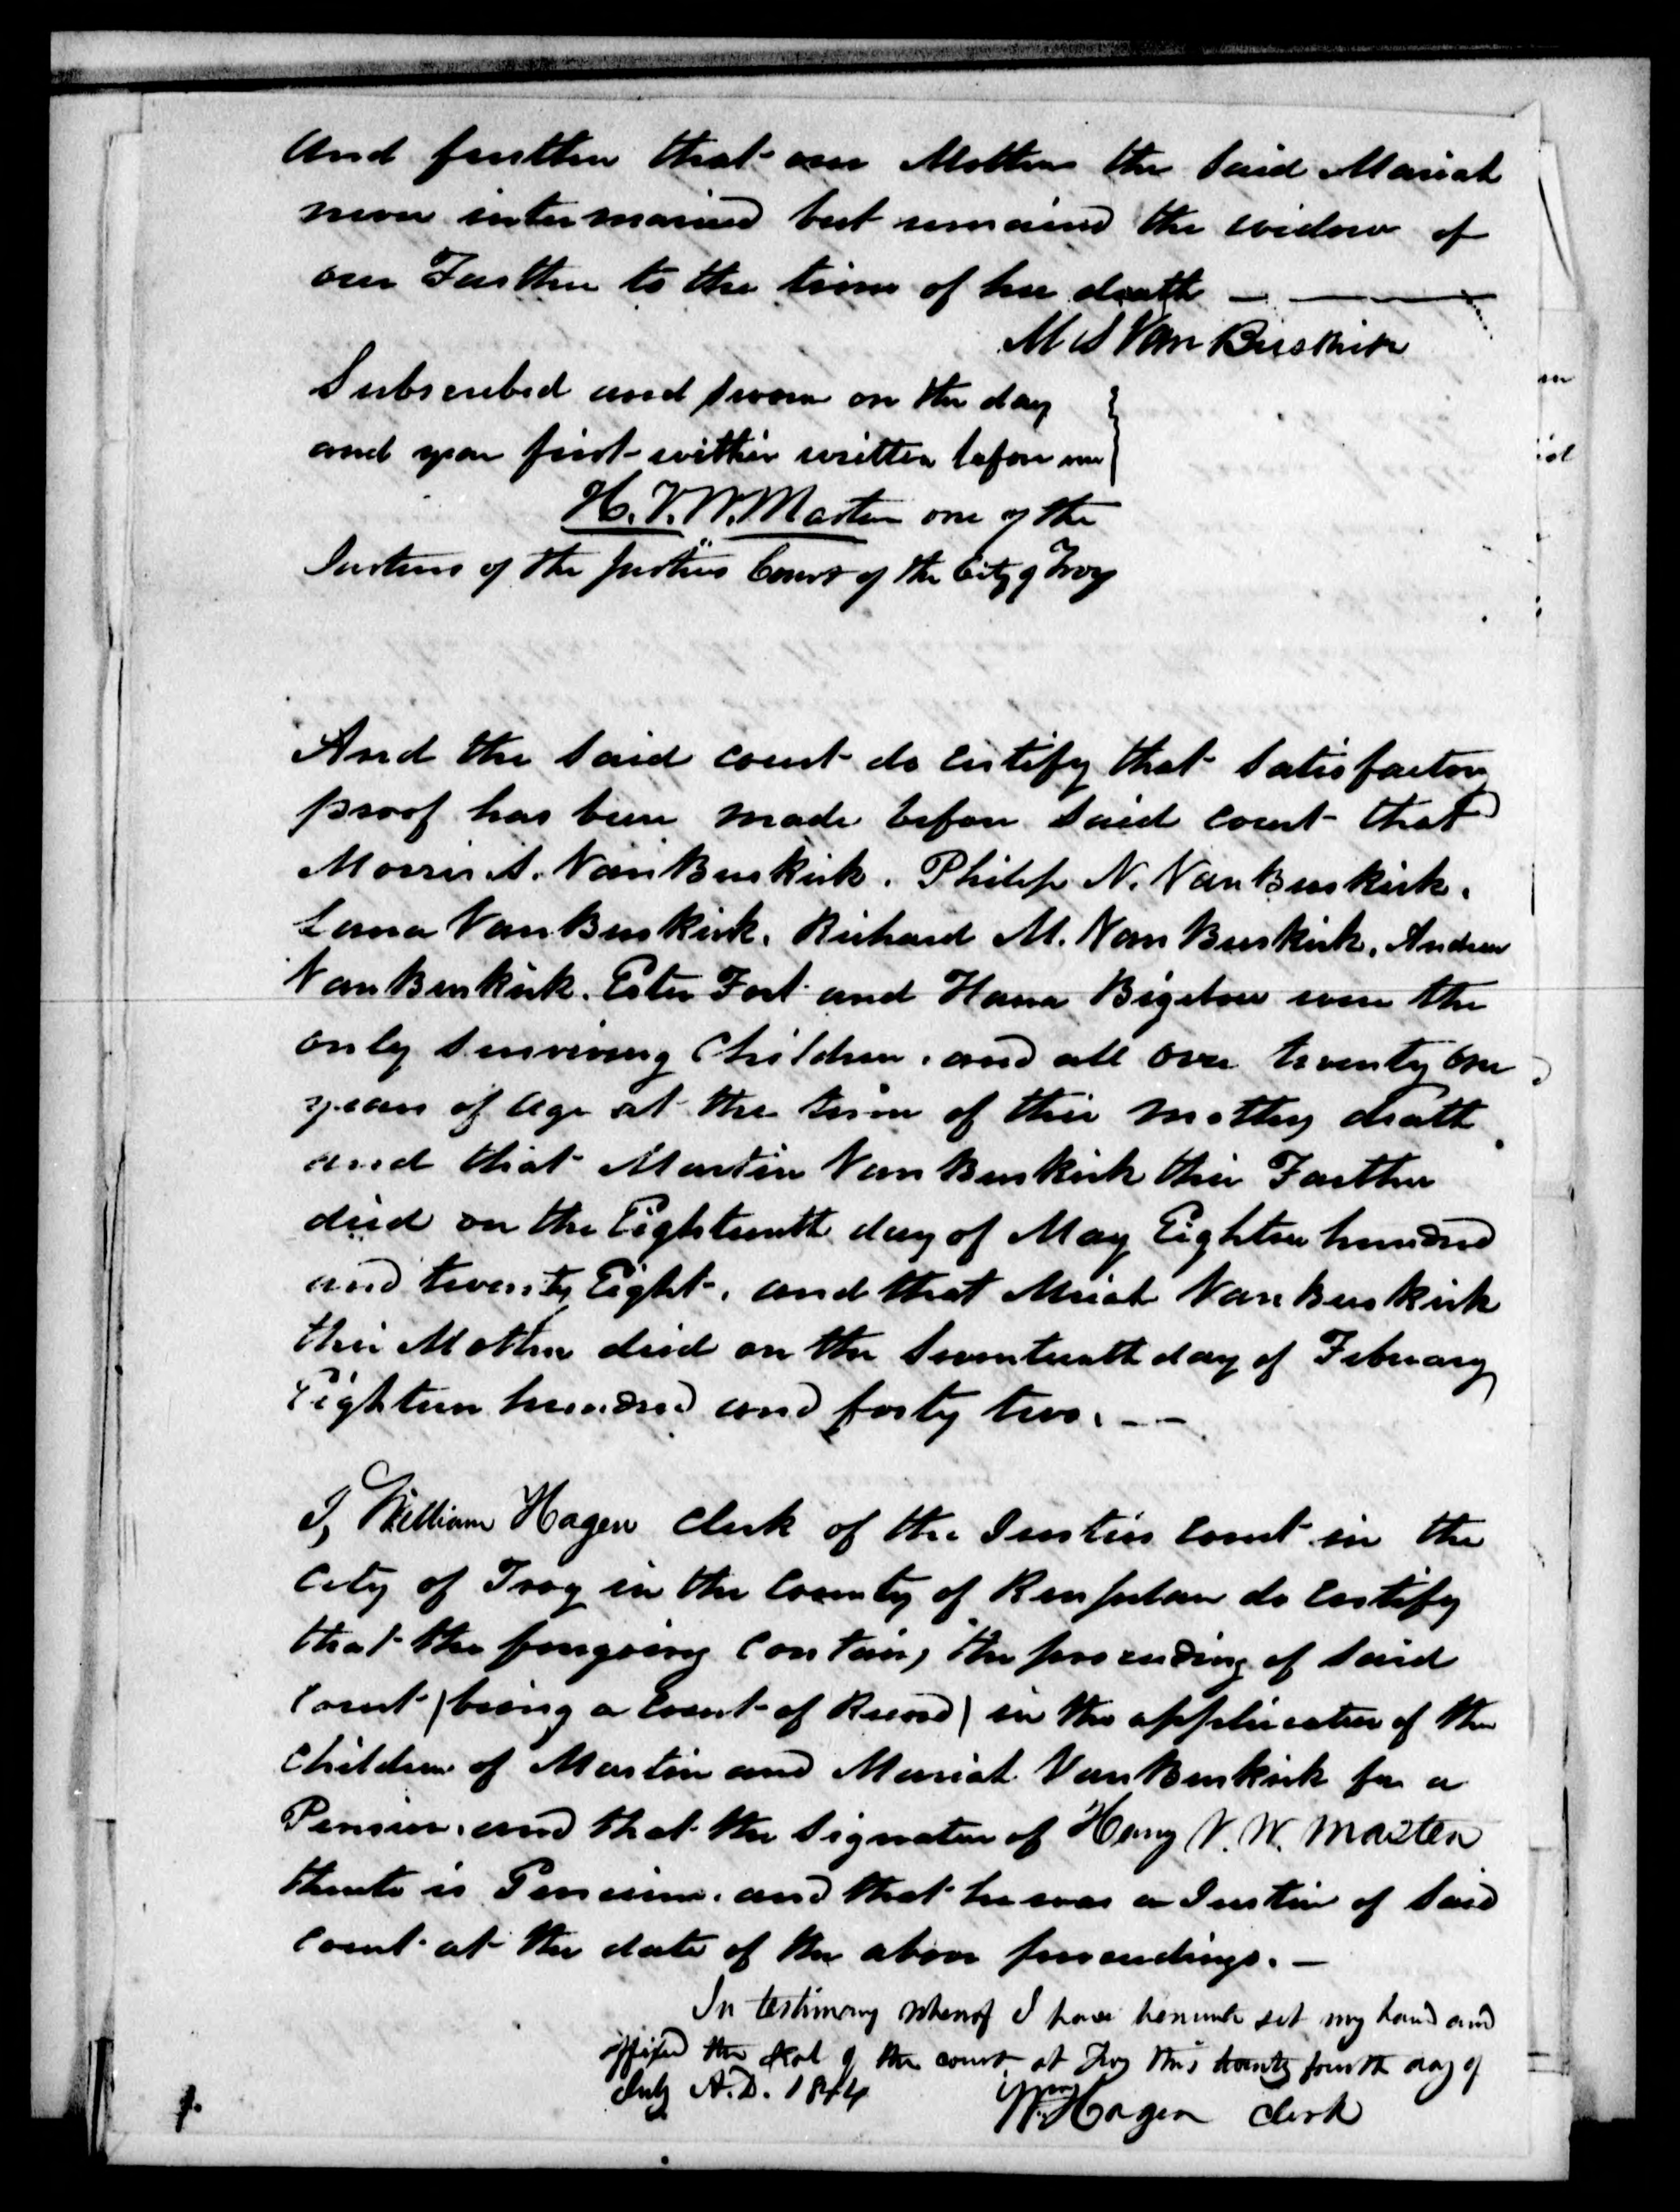and further that our Mother the said Mariah never intermarried but remained the widow of
our Father to the time of her death - 
M. S. Van Buskirk [signature]

Subscribed and sworn on the day and year first within written before me
H. V. W. Masten[signature] one of the Justices of the Justice Court of the City of Troy

And the said Court do certify that satisfactory
proof has been made before said court that
Morris A. Van Buskirk, Philip N. Van Buskirk, Lana Van Buskirk, Richard M. Van Buskirk, Andrew Van Buskirk, Ester Ford and Hana Bigelow were the only surviving children, and all over twenty one years of age at the time of their mothers death and that Martin Van Buskirk their father died on the Eighteenth day of May Eighteen hundred and twenty Eight, and that Mariah Van Buskirk their Mother died on the Seventeenth day of February Eighteen hundred and forty two.

I William Hagen Clerk of the Justice Court in the City of Troy in the County of Rensselaer do certify that the foregoing contains the proceeding of said Court being a Court of Record in the application of the children of Martin and Mariah Van Buskirk for a
Pension, and that the signature of Harry V. W. Masten thereto is genuine and that he was a Justice of said Court at the date of the above proceedings. - 

In testimony whereof I have hereunto set my hand and affixed the seal of the court at Troy this twenty fourth day of July A.D. 1844
Wm. Hagen [signature] Clerk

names: H V W Masten, Mariah, Wm Hagen, Ester Fort, Hana Bigelow, William Hagen, M S Van Buskirk, Andrew Van Buskirk, Martin Van Buskirk, Richard M Van Buskirk, Philip N Van Buskirk, Mriah Van Buskirk, Henry V W Masten, Martin Van Buskirk, Mariah Van Buskirk, Morris S Van Buskirk, Lana Van Buskirk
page: 3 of 70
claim: rejected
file: R. 10,832, Martin Van Buskirk, New York.